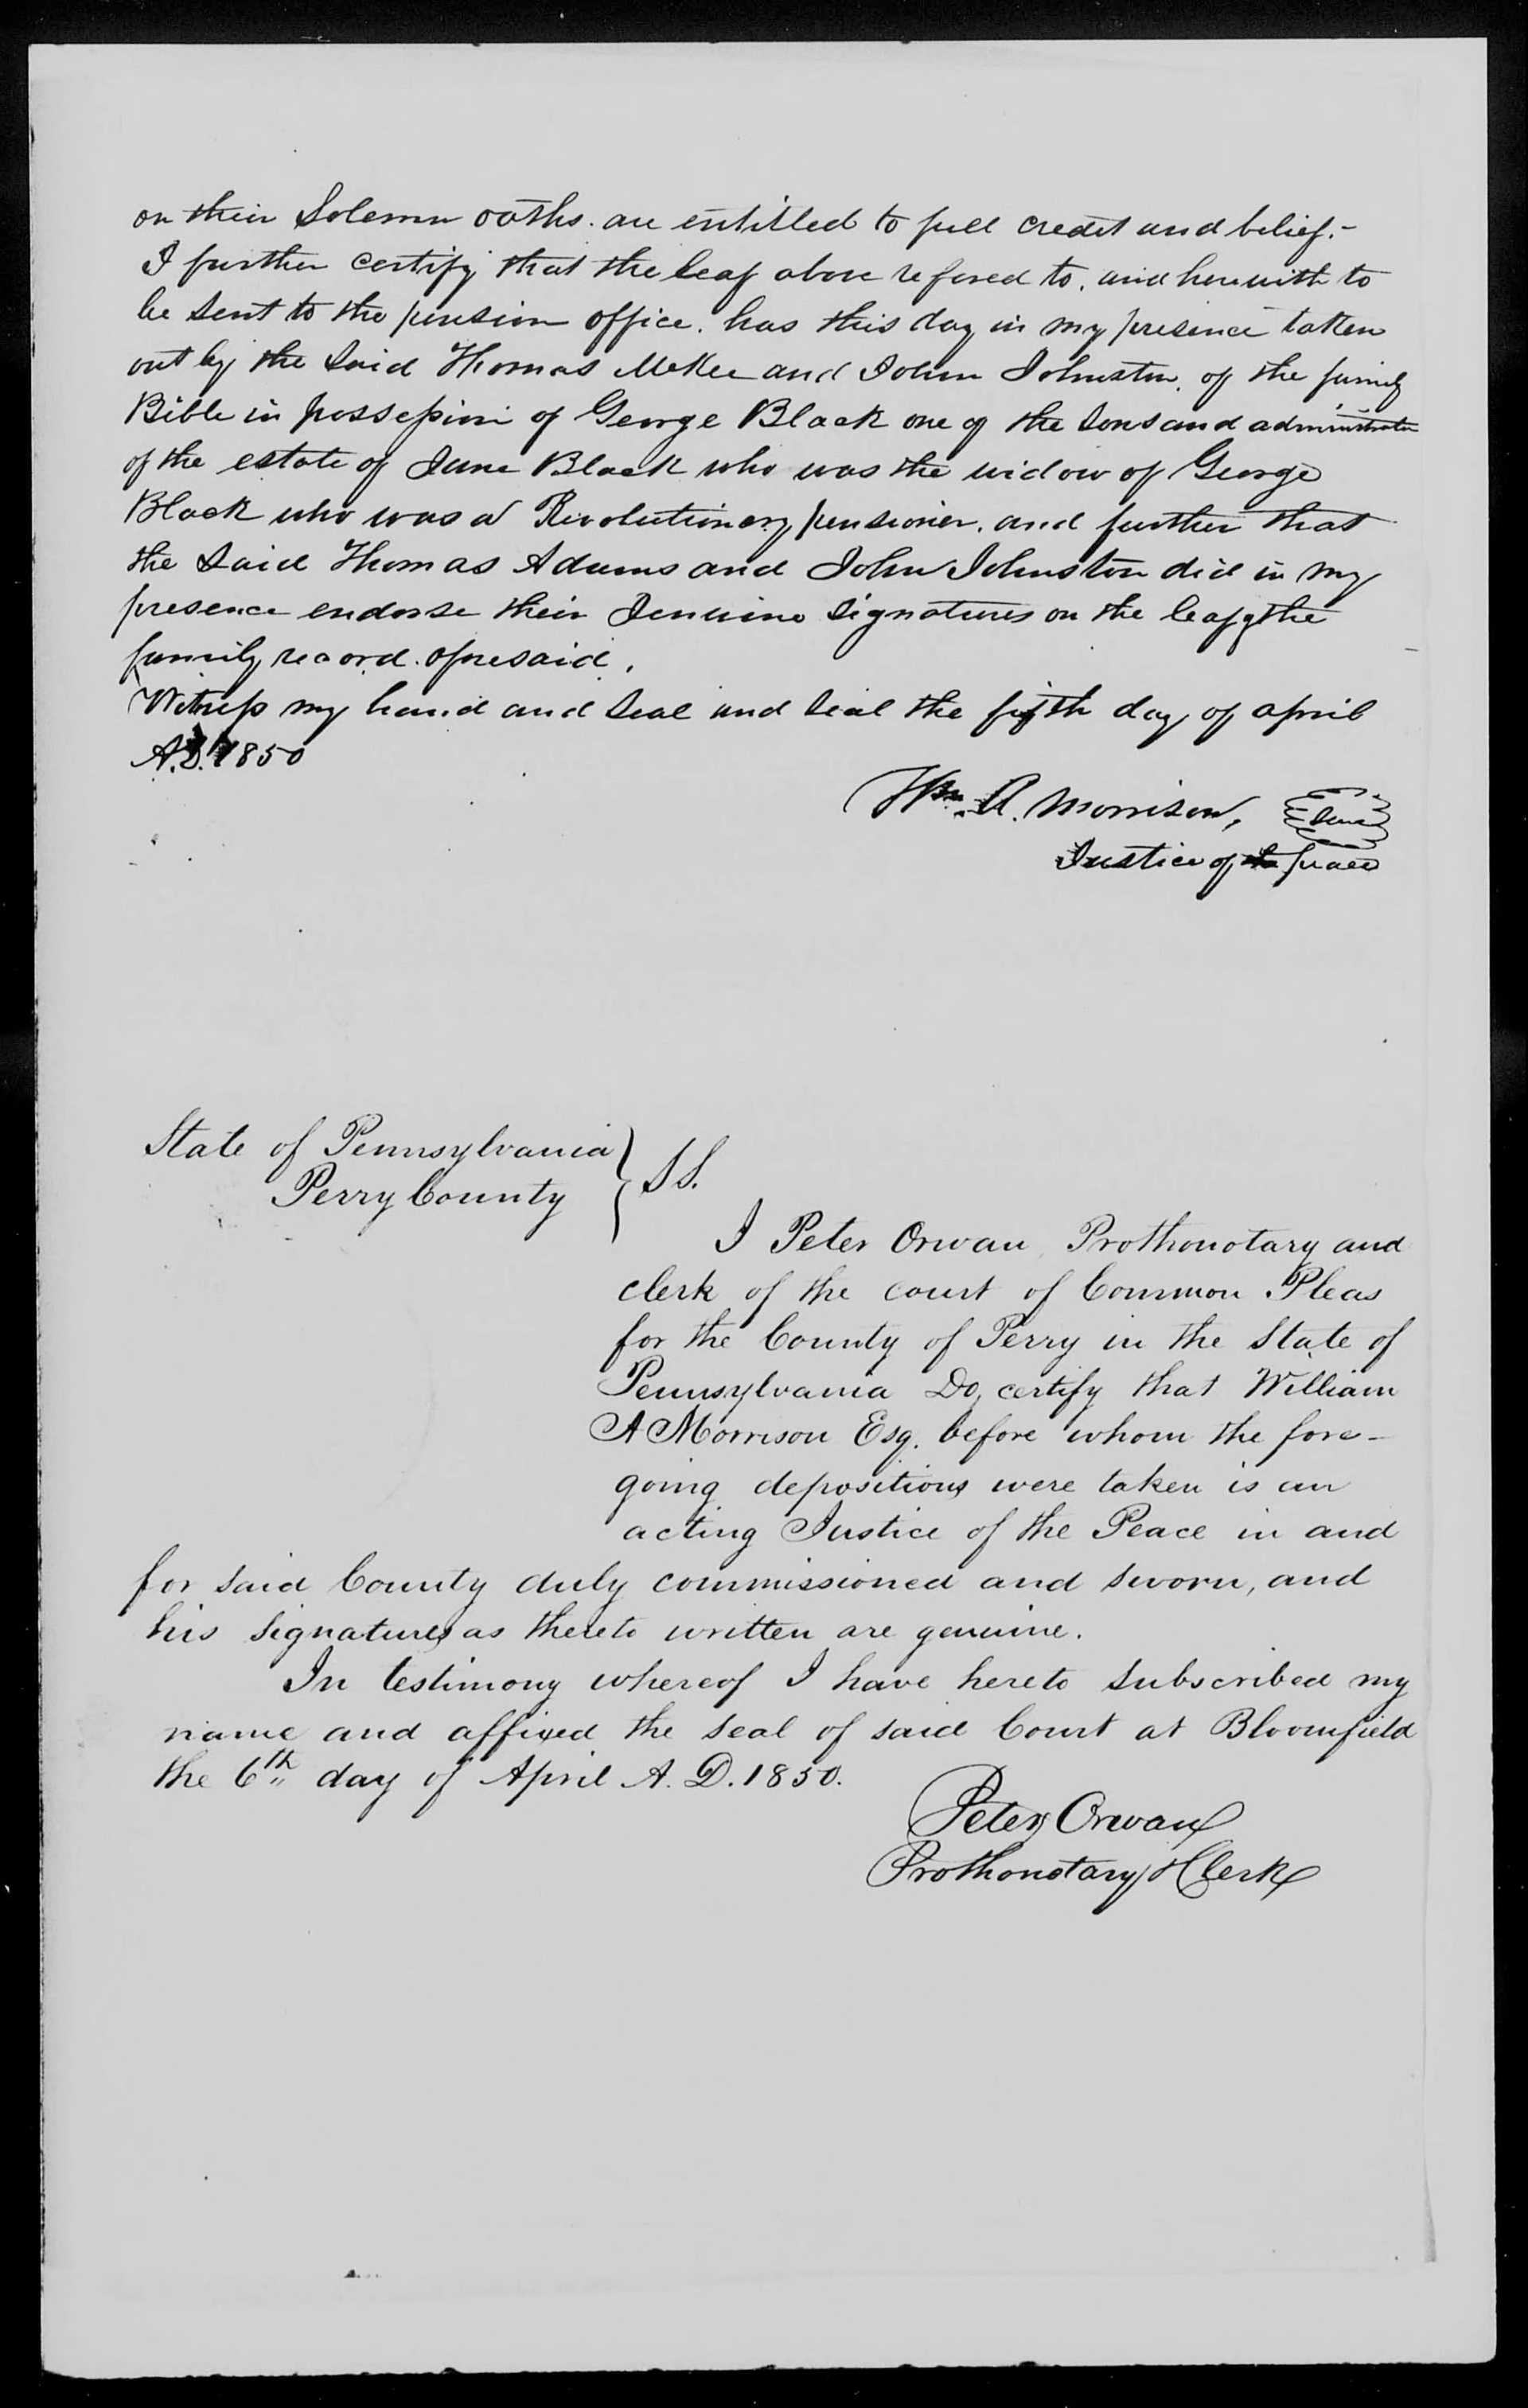on their Solemn oaths an entitled to full credit and belief. I further certify that the leaf above refered to and herewith to be sent to the pension office has this day in my presence taken out by the said Thomas McKee and John Johnston of the family Bible in [illegible] of George Black one of the sons and administration of the estate of Jane Black who was the widow of George Black who was a Revolutionary pensioner and further that the said Thomas Adams and John Johnston did in my presence endorse their genuine signatures on the leaf of the family record aforesaid.
Witness my hand and seal and said the fifth day of April A. D. 1850
Wm. A. Morrison
Justice of the Peace

State of Pennsylvania
Perry County
SS.
I Peter Orwan Prothonotary and clerk of the court of Common Pleas for the County of Perry in the State of Pennsylvania Do certify that William A. Morrison Esq. before whom the fore-going deposition were taken is an acting Justice of the Peace in and for said County duly commissioned and sworn and his signature as thereto written are genuine.
In testimony whereof I have here to Subscribed my name and affixed the seal of said Court at Bloomfield the 6th day of April A. D. 1850.

Peter Orwan
Prothonotary & Clerk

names: Peter Orwan, William A Morrison, George Black, Jane Black, Thomas Mc Kee, George Black, Solemn Oaths, Wm A Morrison, John Johnston, John Johnston, Peter Orwan, Thomas Adams, Bible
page: 29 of 30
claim: widow's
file: W. 3211, George Black, Penn.